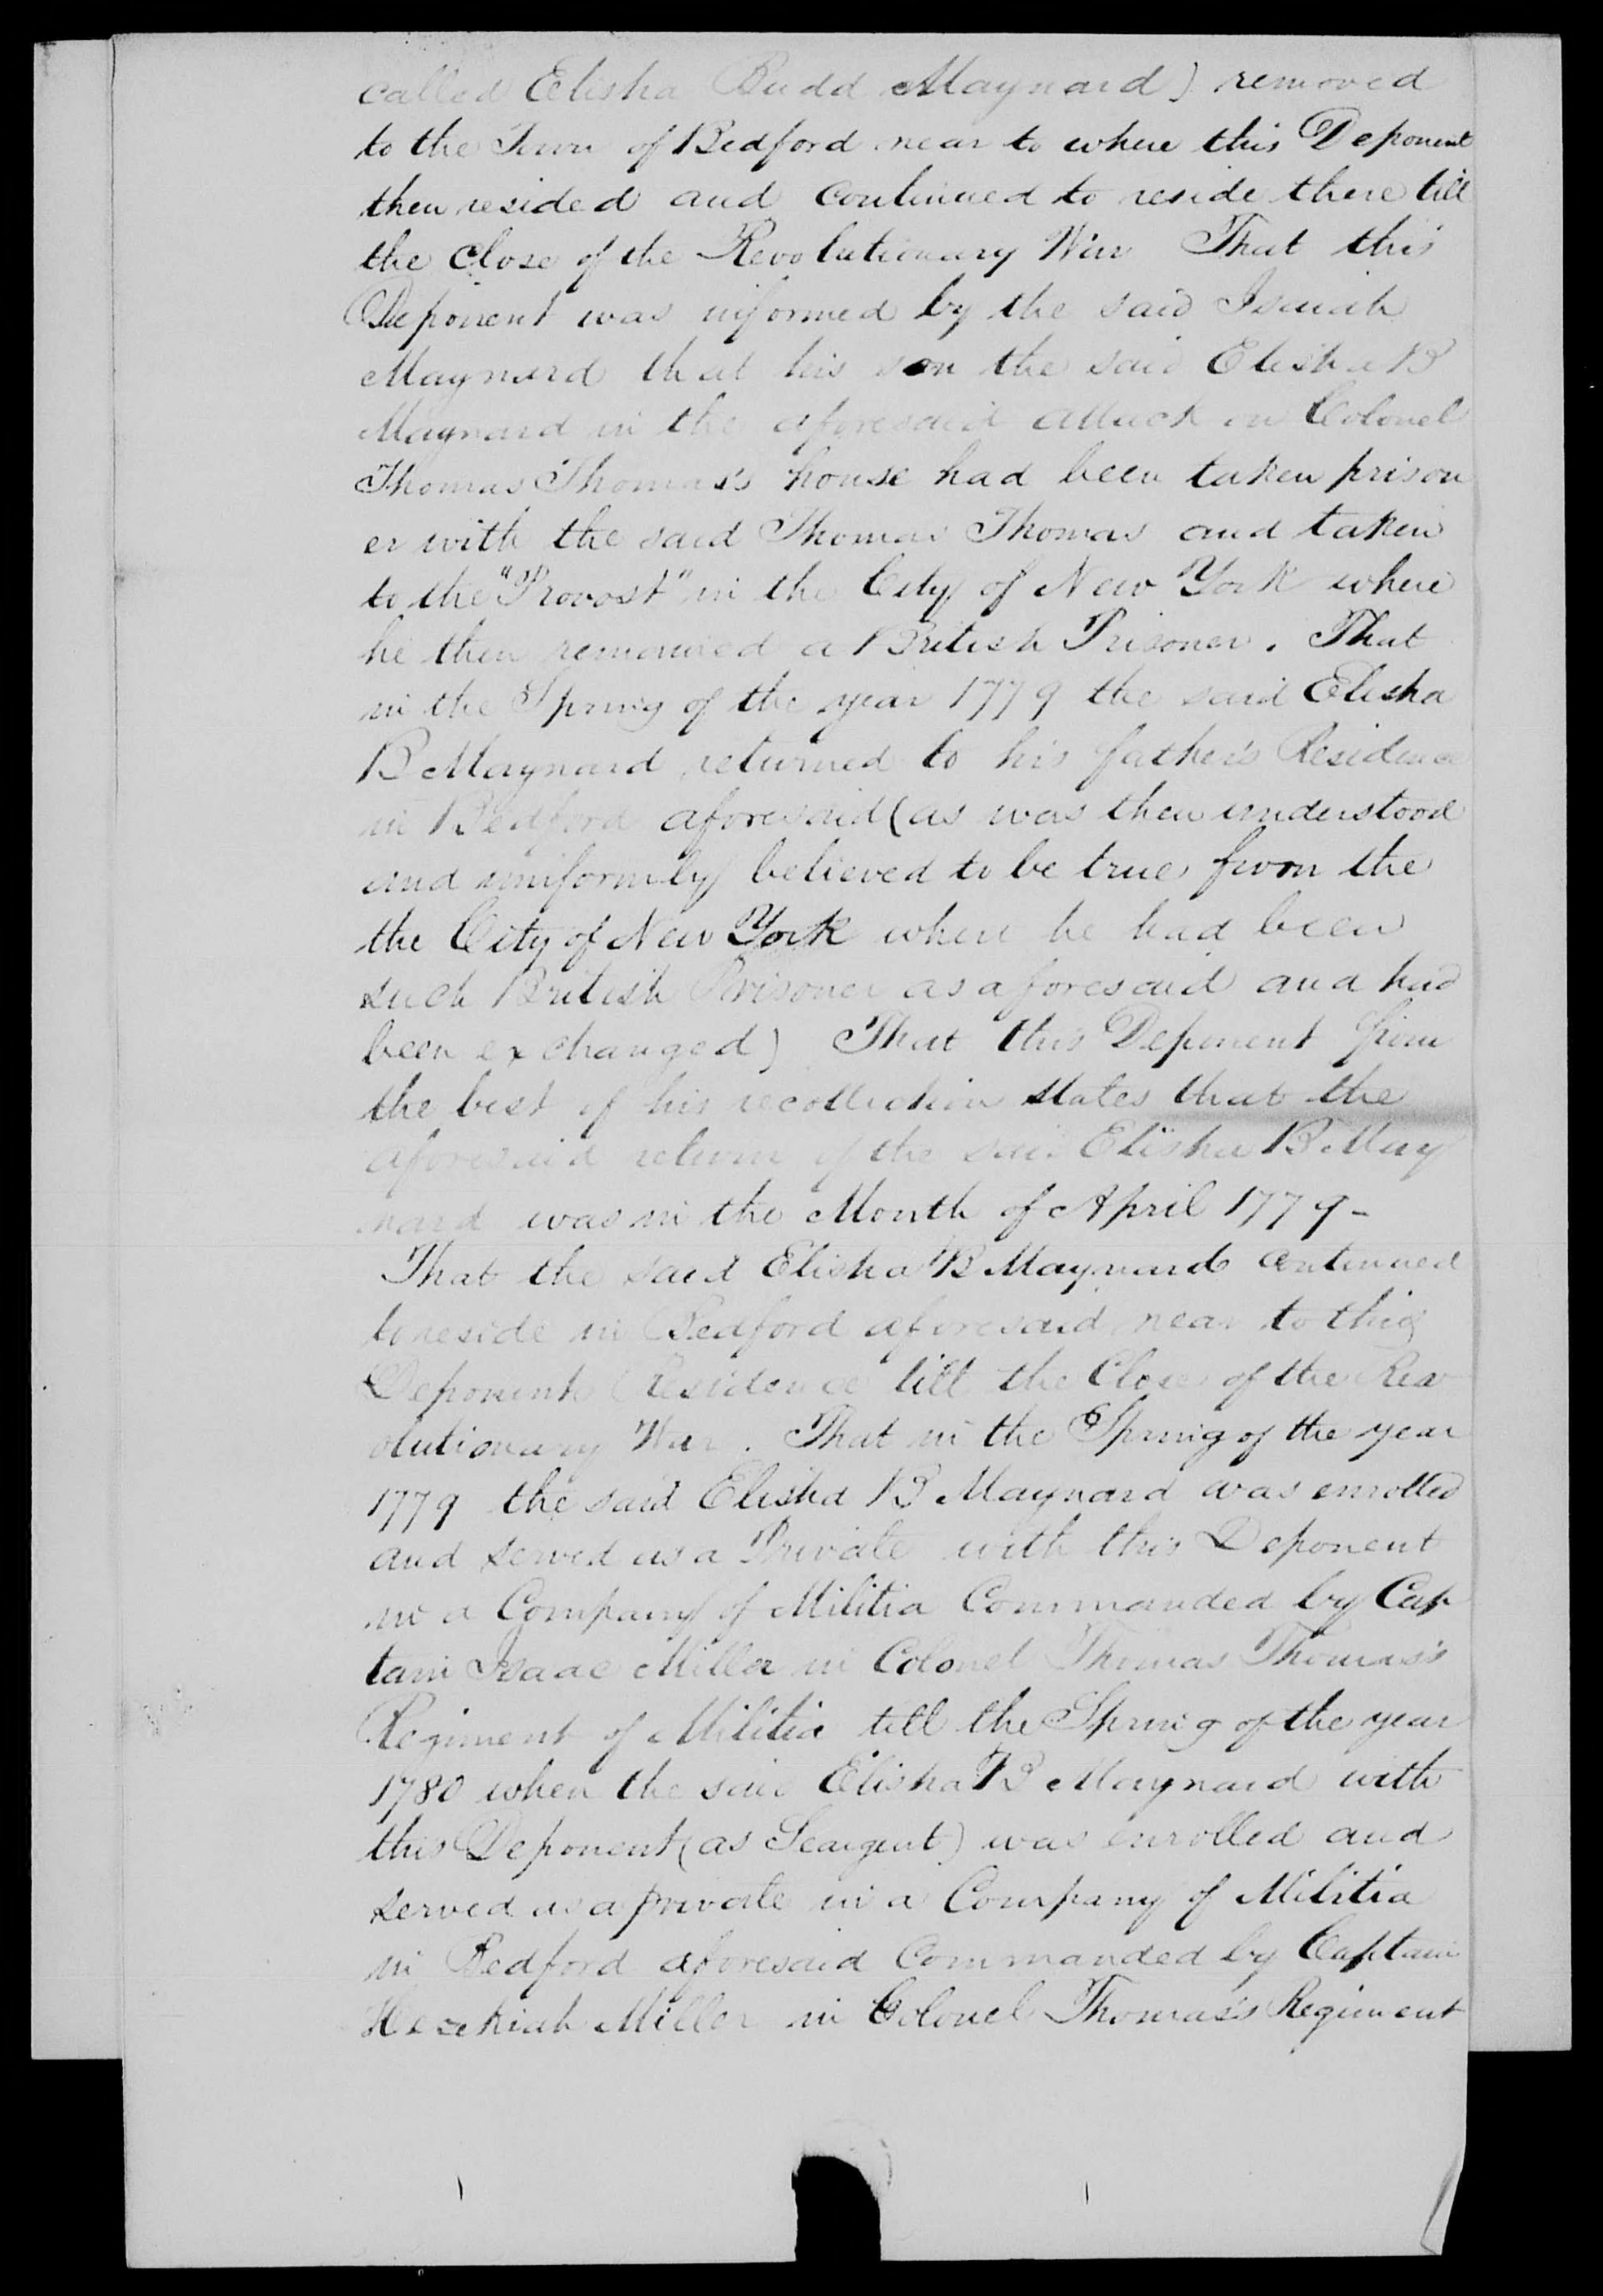called Elisha Budd Maynard) removed to the Town of Bedford near to where this Deponent then resided and continued to reside there till the close of the Revolutionary War That this Deponent was informed by the said Isaiah Maynard that his son the said Elisha B Maynard in the aforesaid attack on Colonel Thomas Thomas's house had been taken prisoner with the said Thomas Thomas and taken to the "Provost" in the City of New York where he then remained a British Prisoner. That in the Spring of the year 1779 the said Elisha B Maynard returned to his father's Residence in Bedford aforesaid (as was then understood and uniformly believed to be true from the the City of New York where he had been such British Prisoner as aforesaid and had been exchanged) That this Deponent from the best of his recollection states that the aforesaid return of the said Elisha B. Maynard was in the month of April 1779. That the said Elisha B. Maynard continued to reside in Bedford aforesaid near to this Deponents Residence till the Close of the Revolutionary War. That in the Spring of the year 1779 the said Elisha B. Maynard was enrolled and served as a Private with this Deponent in a Company of Militia Commanded by Captain Isaac Miller in Colonel Thomas Thomas's Regiment of Militia till the Spring of the year 1780 when the said Elisha B. Maynard with this Deponent (as Seargent [sic]) was enrolled and served as a private in a Company of Militia in Bedford aforesaid Commanded by Captain Hezekiah Miller in Colonel Thomas's Regiment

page: 15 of 33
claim: rejected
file: R. 7,063, for Elisha B Maynard, New York